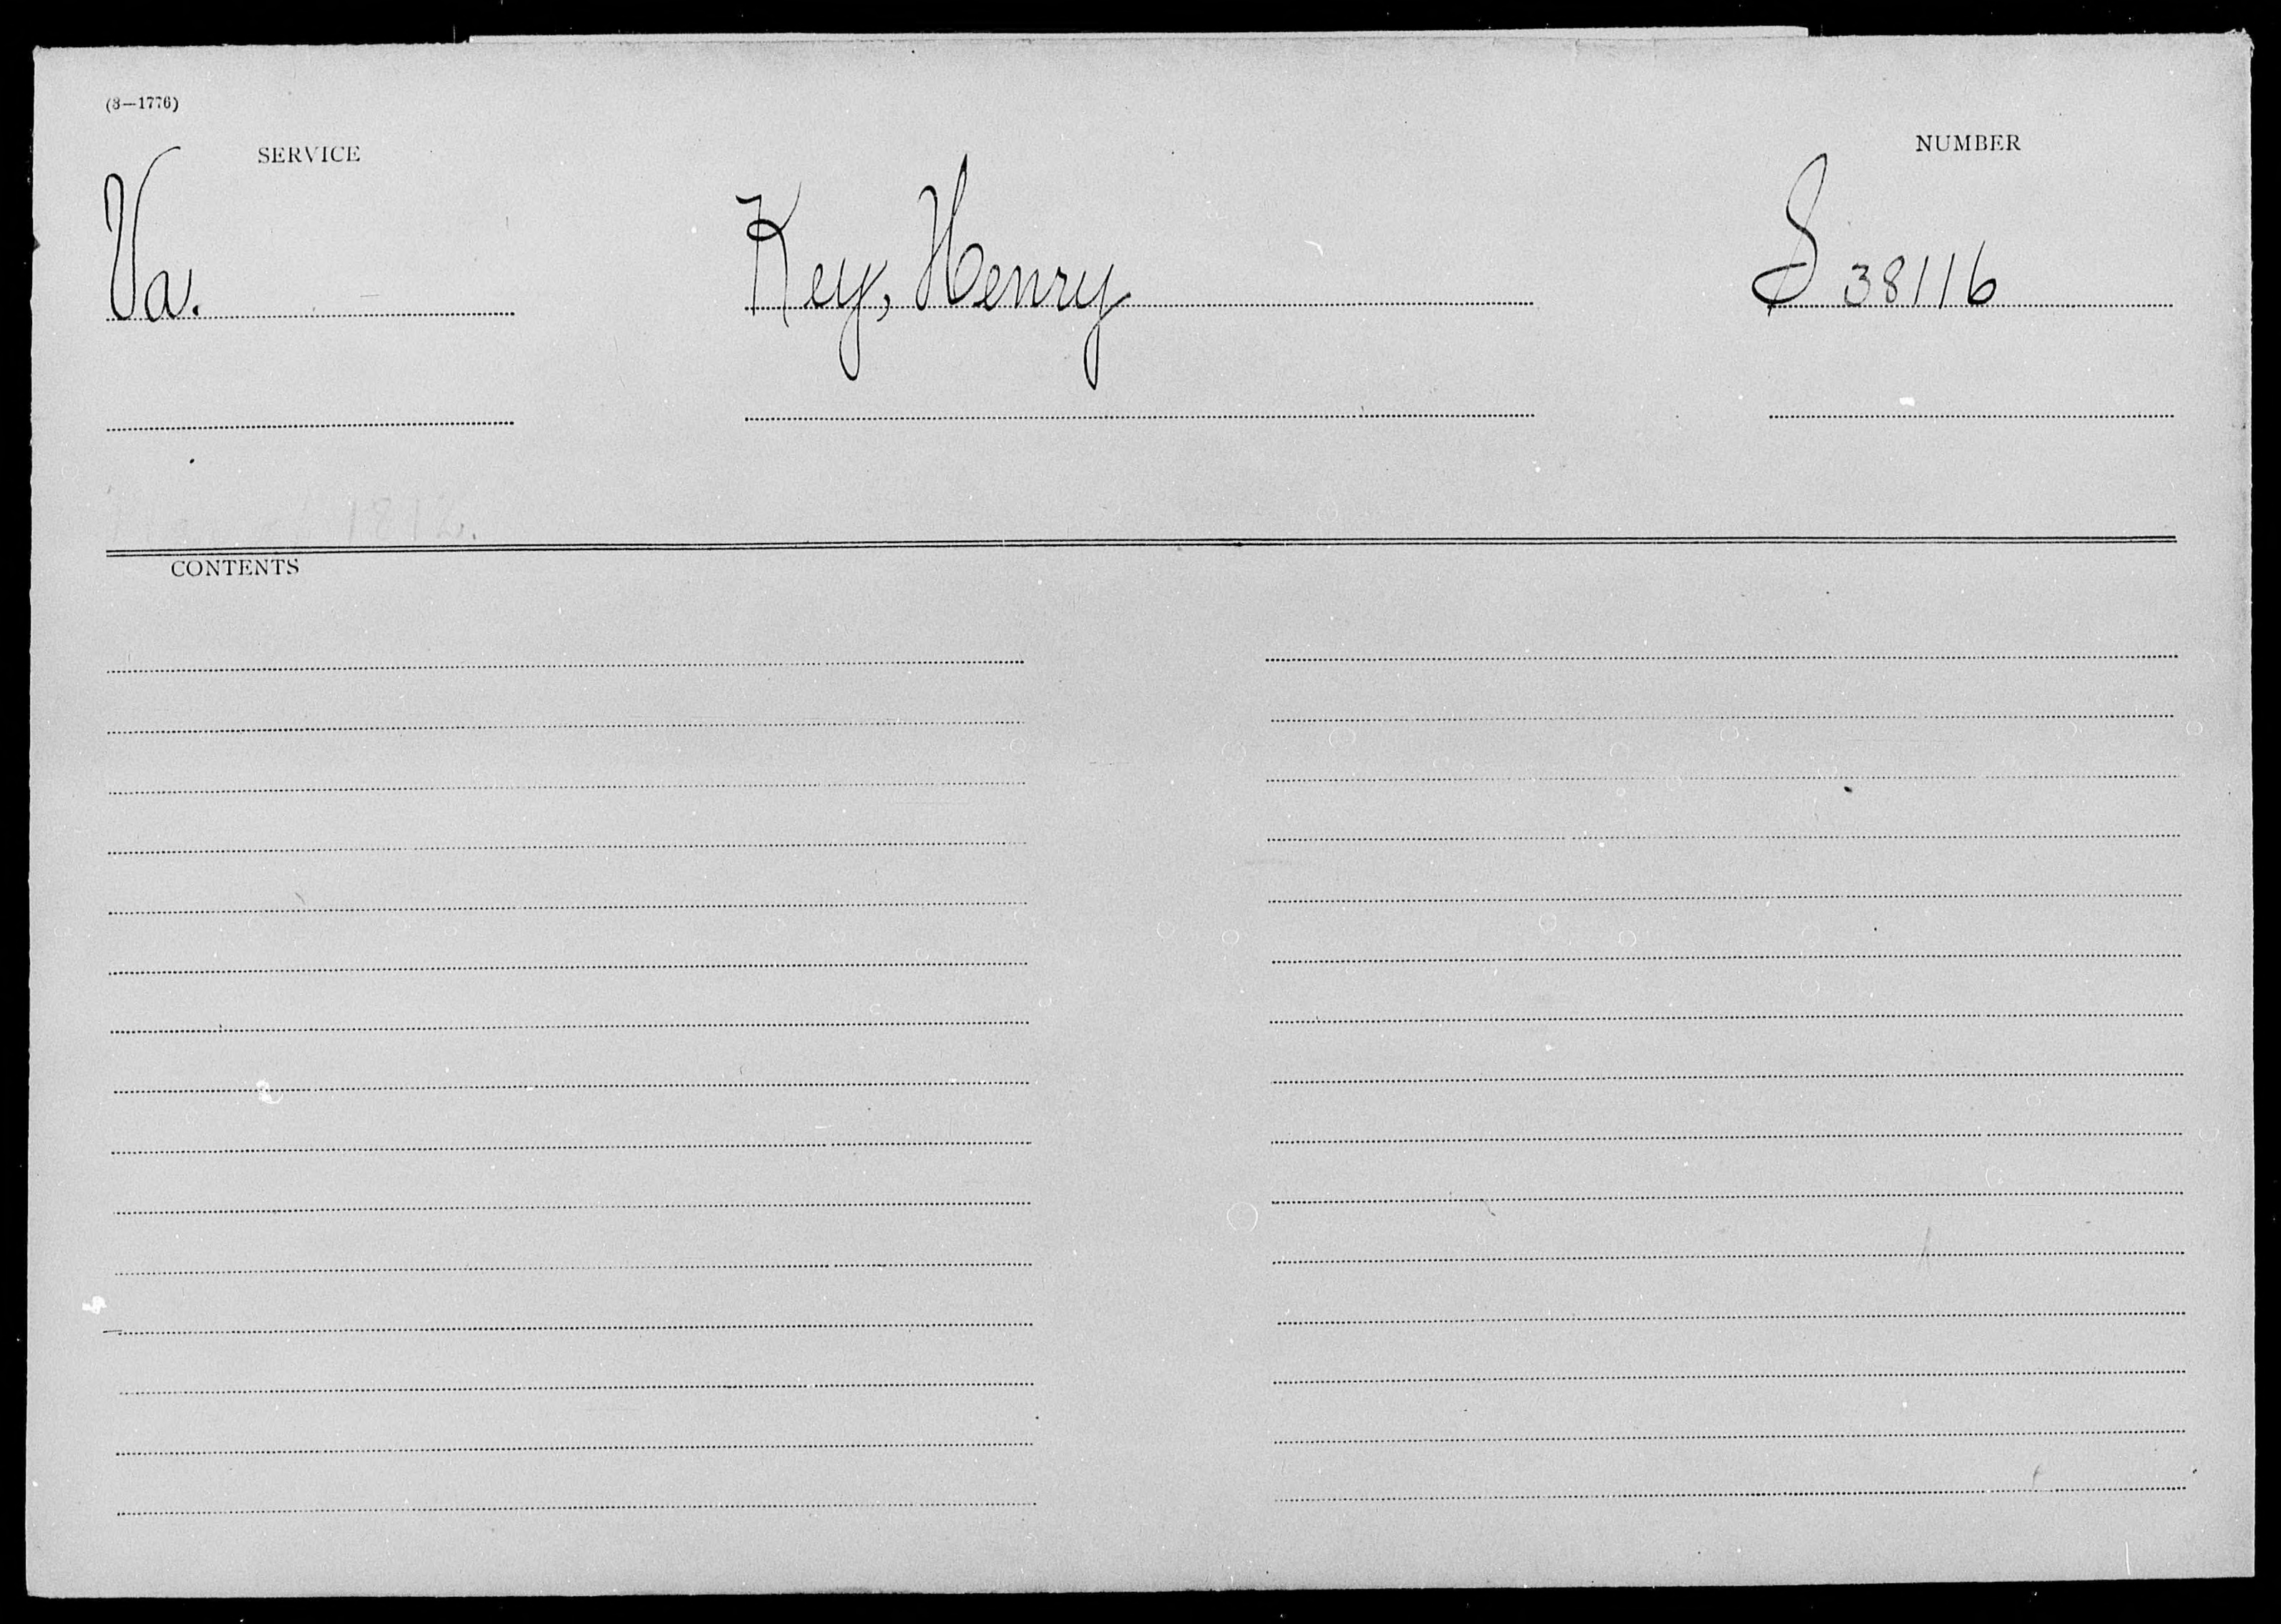Page 1
Service VA
Key, Henry
Number S38116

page: 1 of 25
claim: survivor's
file: S 38116, for Henry Key, Virginia